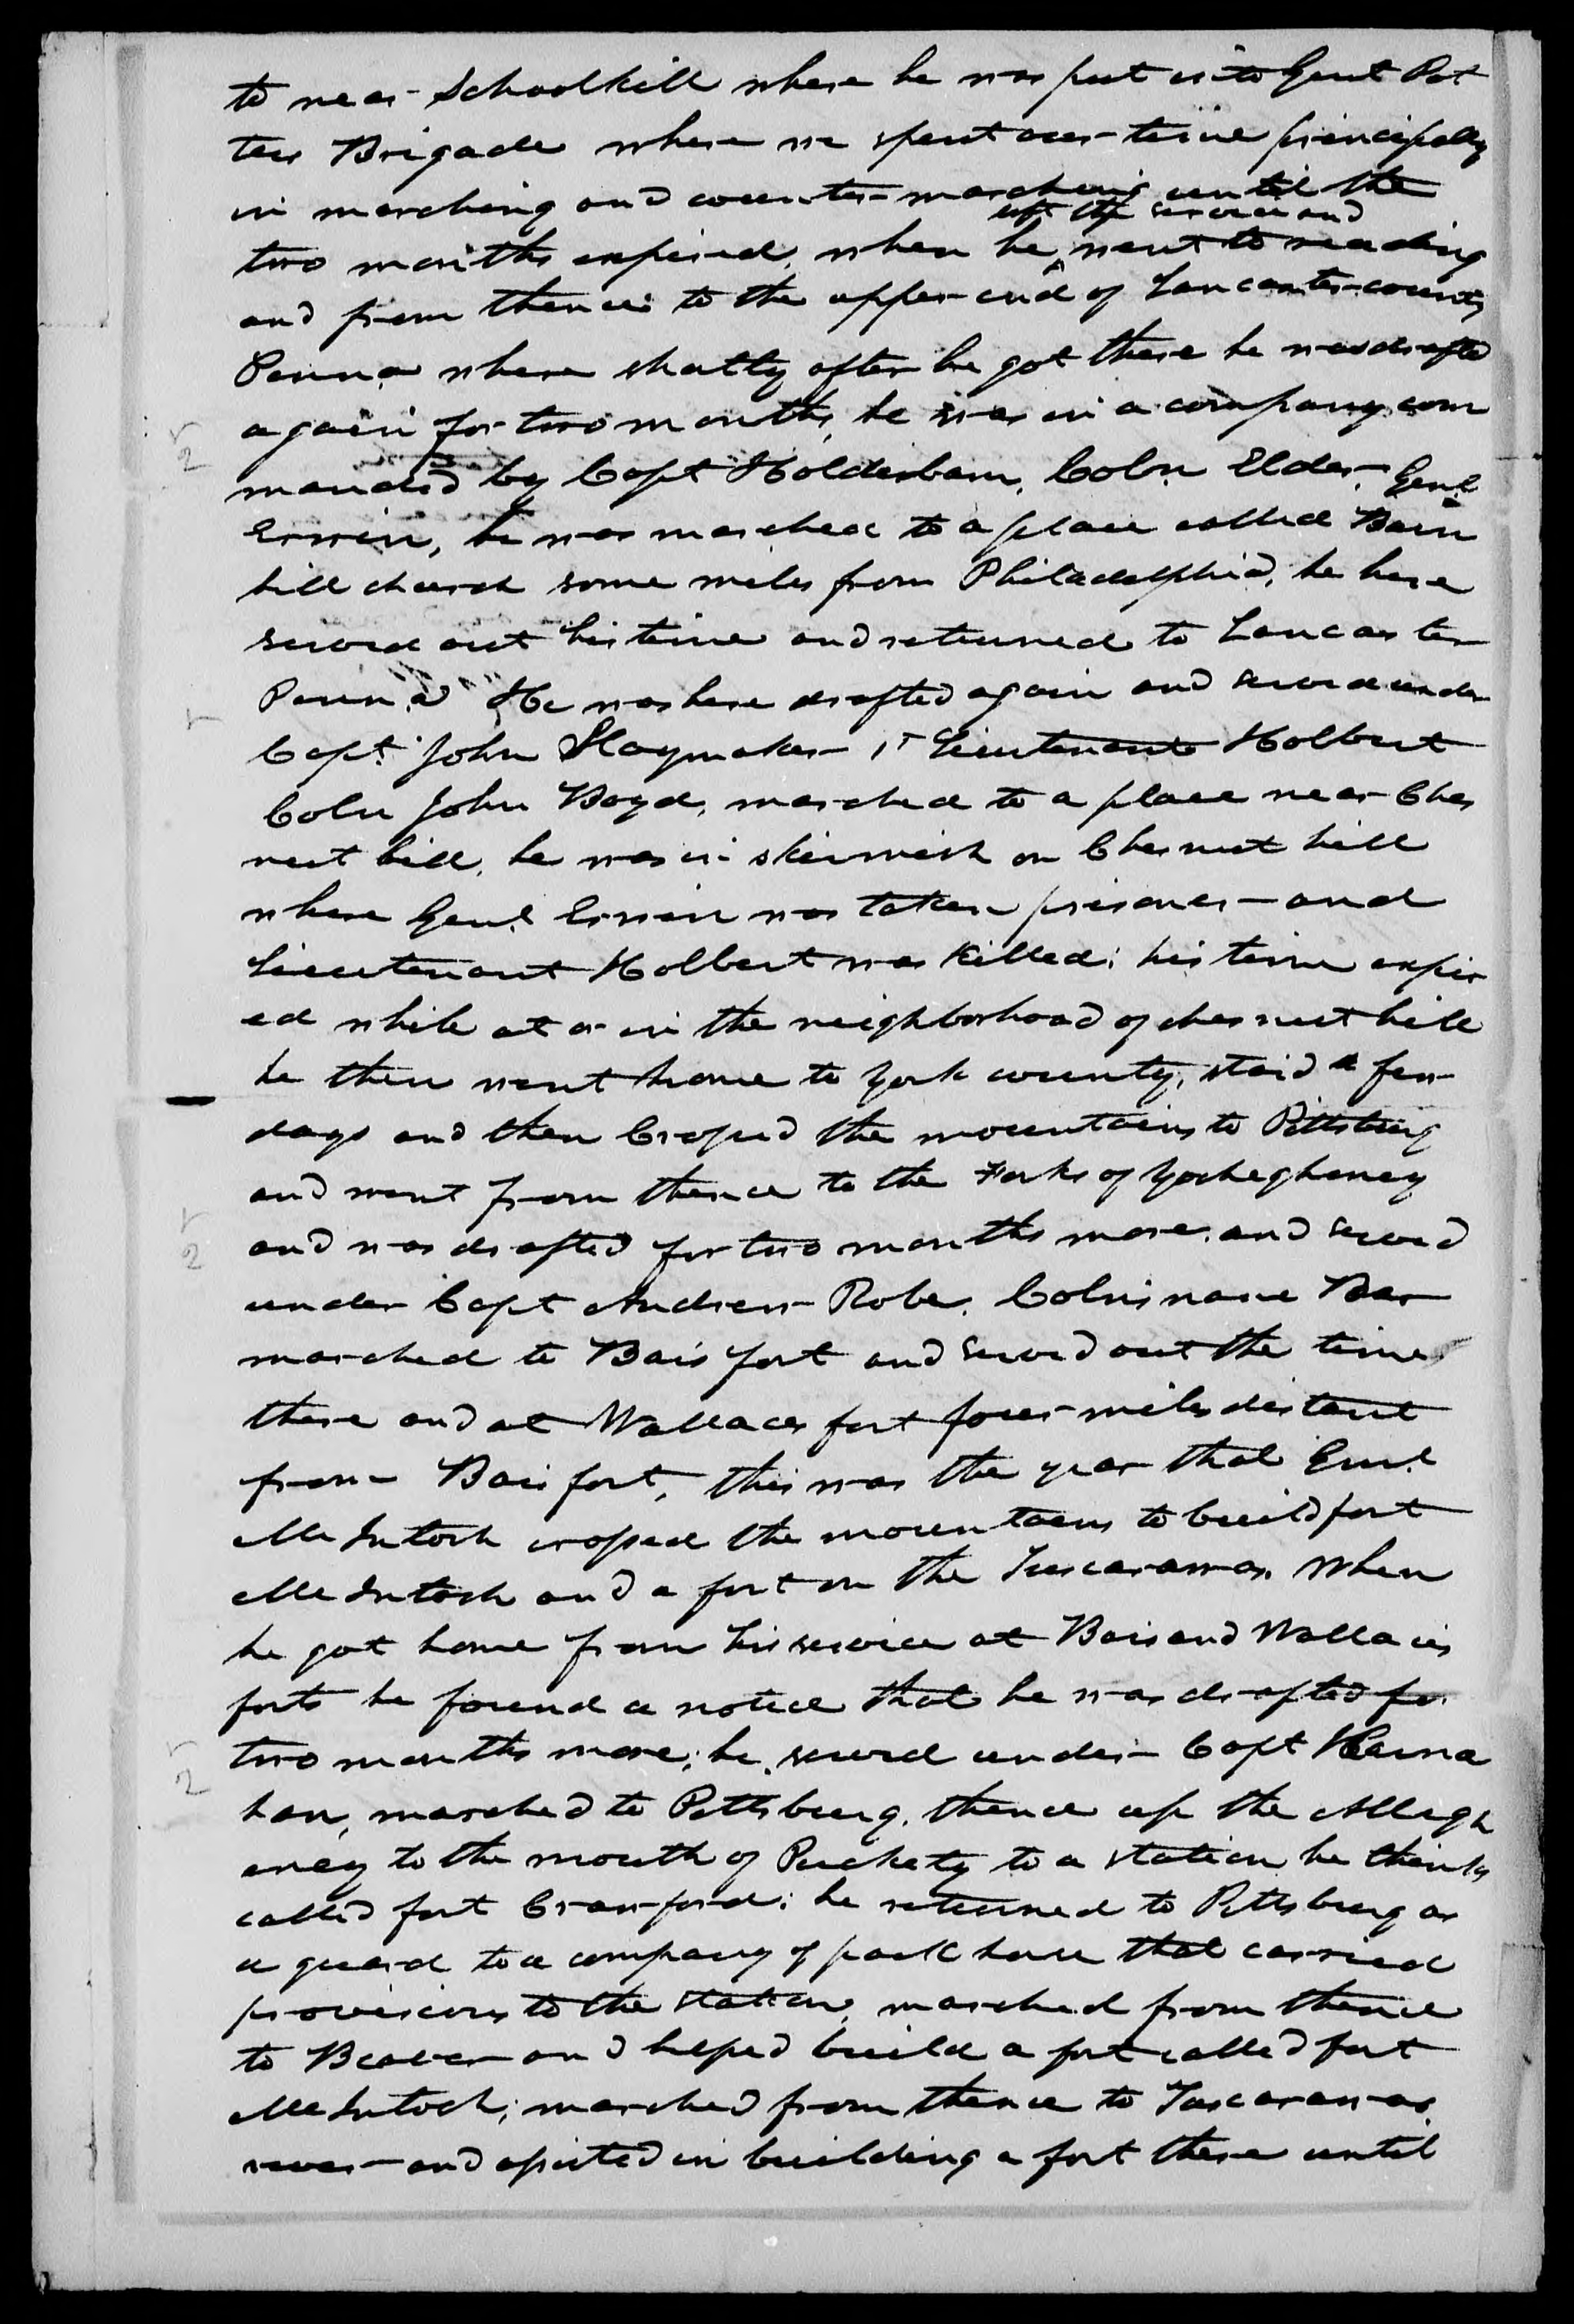to near Schoolkill where he was put into Genl
Potters Brigade where we spent our time principally
in marching and counter-marching until the
two months expired. When he left the service and went to ??ding
and from thence to the upper end of Lancaster County
Penna where shortly after he got there he was drafted
again for two months. He was in a company commanded
by Capt Holderbaum, Coln Elder - Genl
Erwin. he was marched to a place called Barnhill
church some miles from Philadelphia. He here
served out his time and returned to Lancaster
Penna. He was heredrafted again and served under
Capt John Sloymaker, Lieutenant Holbert,
Coln John Boyd, marched to a place near Chesnut
Hill. He was in skirmish on Chesnut hill
where Genl Erwin was taken prisoner and
Lieutenant Holbert was killed. His term expired
while at or in the neighborhood of Chesnut Hill.
He then went home to York county, staid a few
days and then crossed the mountains to Pittsburgh
and went from thence to the Forks of Youghiogheny 
and was drafted for two months more and served
under Capt Andrew Robe. Coln's name Bar
marched to Bais fort and served out the time
there and at Wallace fort four miles distant
from Bais fort. This was the year that Genl
McIntosh crossed the mountains to build fort
McIntosh and a fort on the Tuscarawas. When
he got home from his service at Bais and Wallace
forts he found a notice that he was drafted for
two months more. He served under Capt Harnahan,
marched to Pittsburg, thence up the Allegheny
to the mouth of Puckett, to a station he thinks
called Fort Crawford. He returned to Pittsburg as
a guard to a company of pack horse that carried
provisions to the station, marched from thence
to Beaverton and helped build a fort called Fort
McIntosh, marched from thence to Tuscarawas
and assisted in building a fort there until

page: 8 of 39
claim: survivor's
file: S. 2812, for David Mc Kinley, Pennsylvania